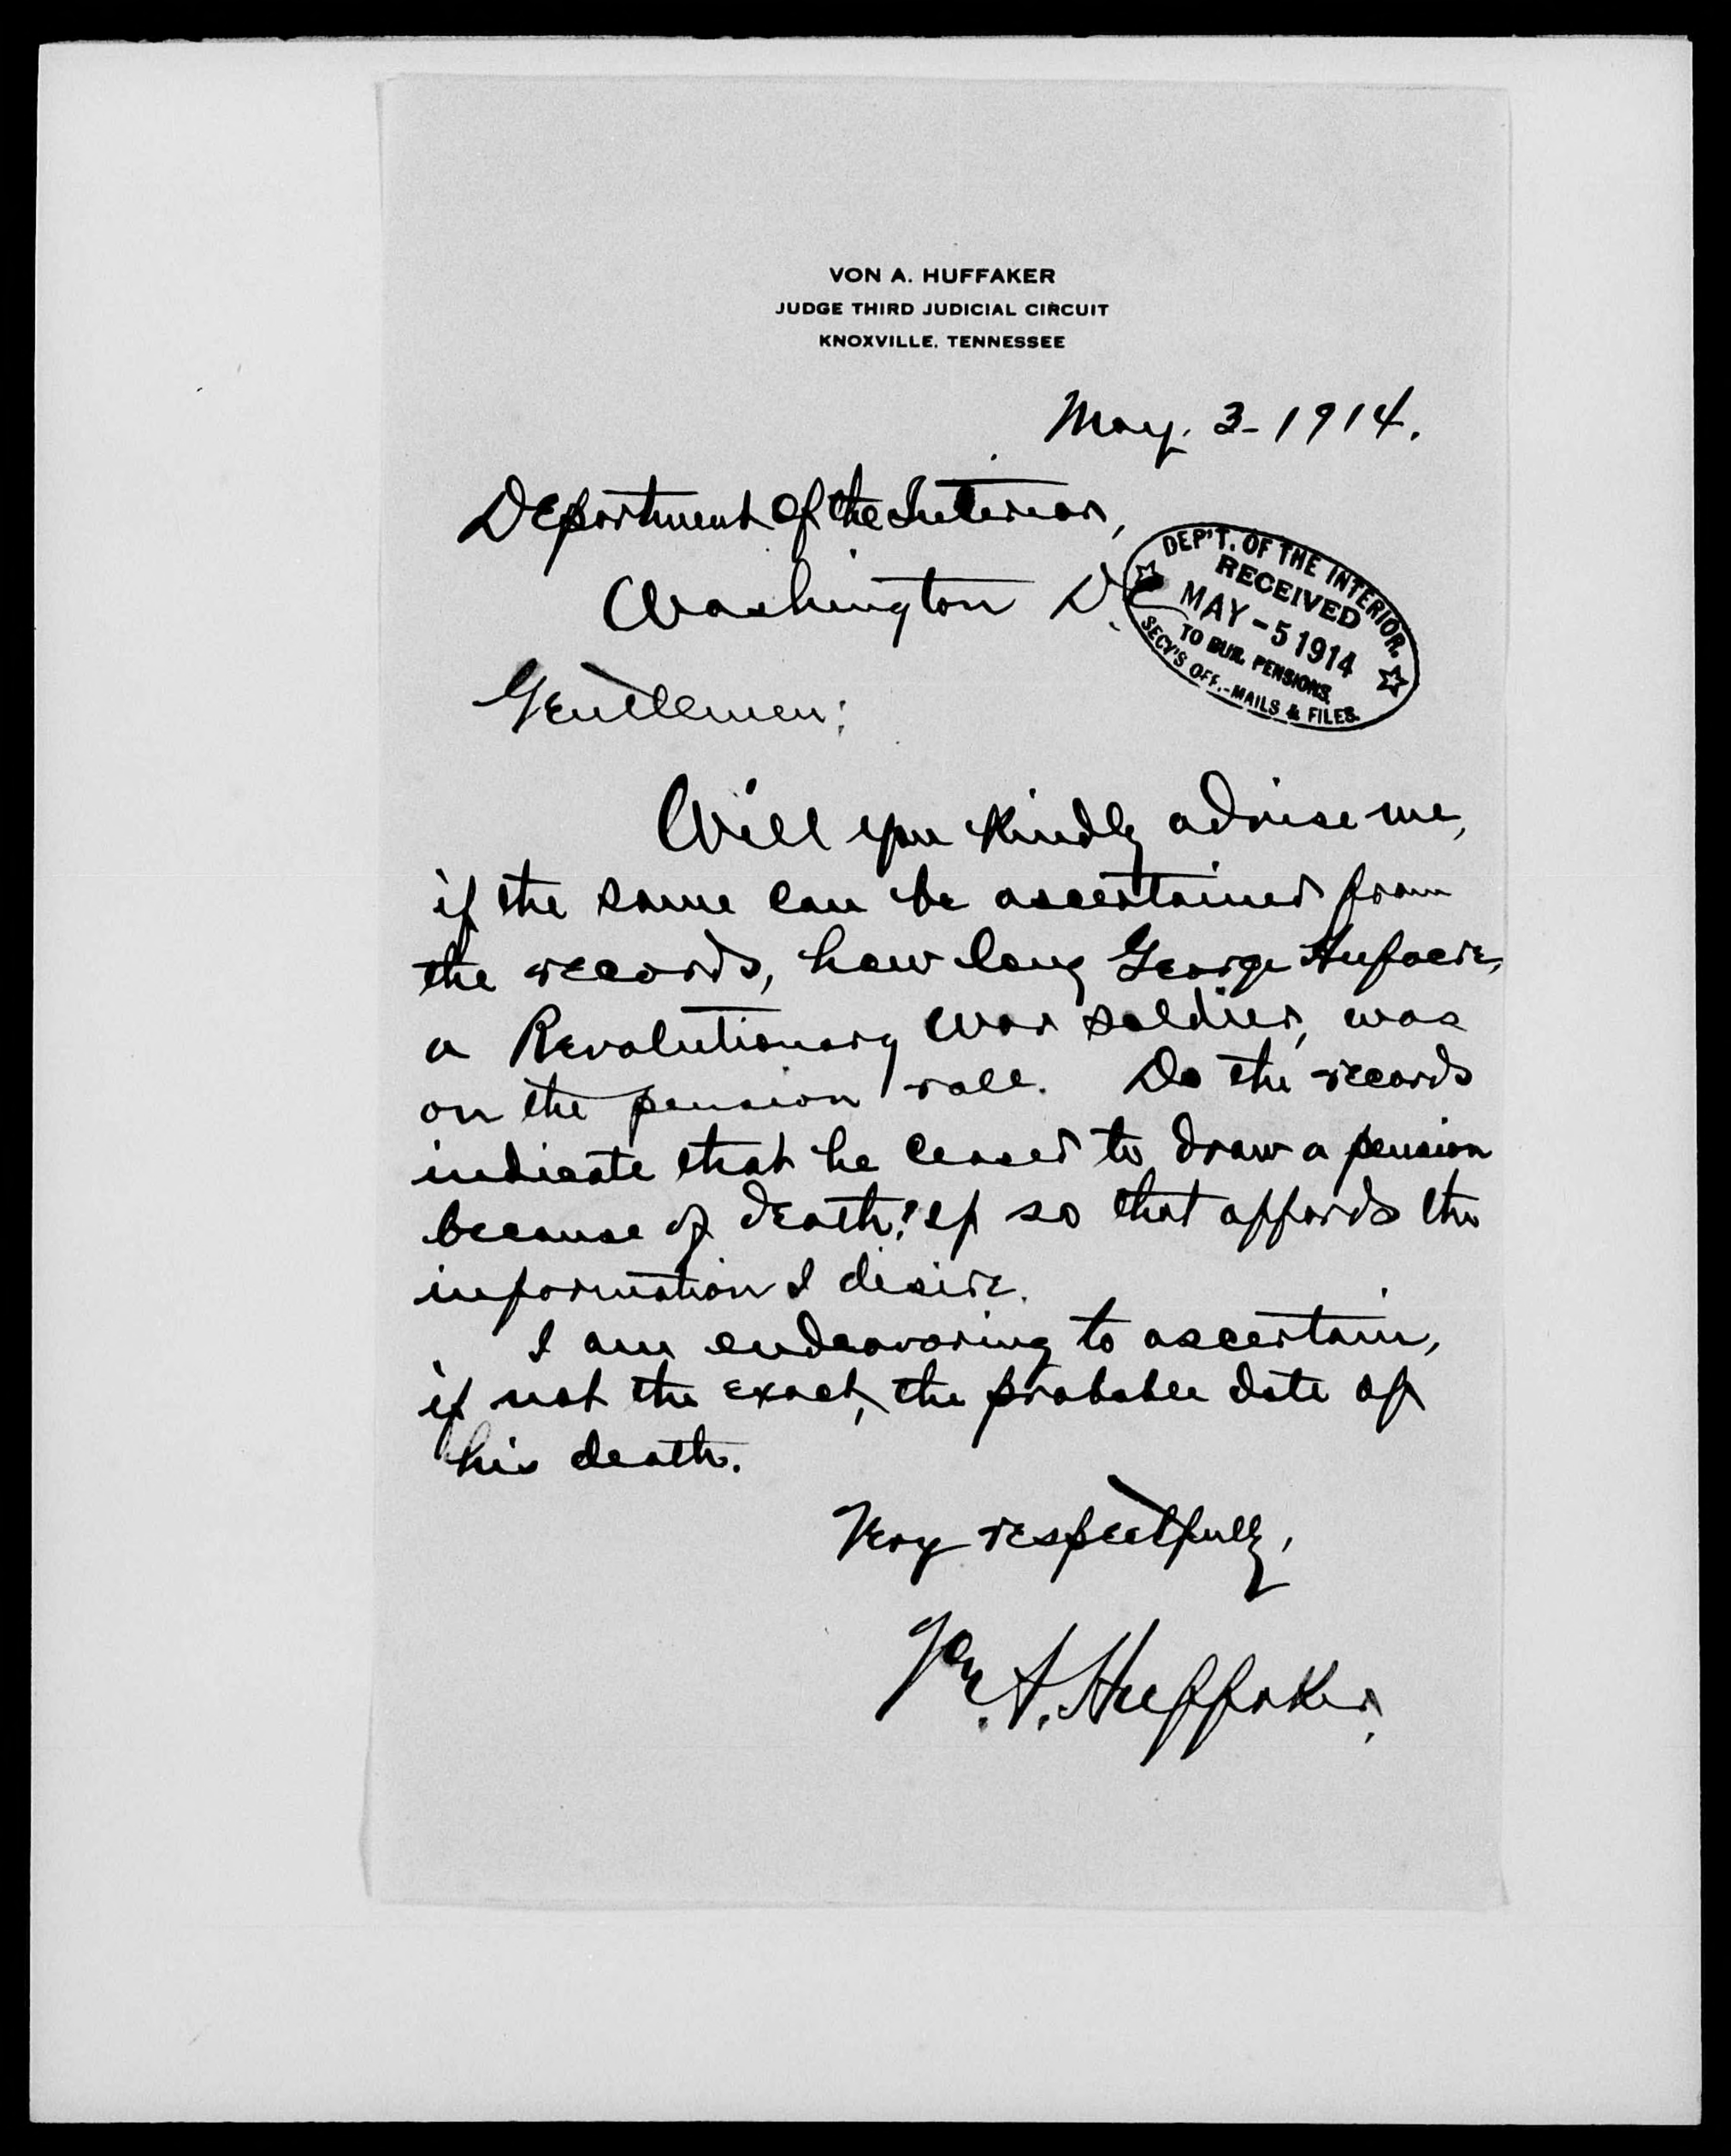Von A. Huffaker
Judge Third Judicial Circuit
Knoxville, Tennessee

May 3, 1914
Department of the Interior,
Washington D.C.                       Department of the Interior
                                                   Received
                                                   May 5, 1914
                                                   To Bur. Pensions
                                                   Secy's Off.-Mails & Files
Gentlemen:
Will you kindly advise me,
if the same can be ascertained from
the records, how long George Hufaker,
a Revolutionary War soldier was
on the pension roll. Do the records
indicate that he ceased to draw a pension
because of death? If so that affords the
information I desire.
I am endeavoring to ascertain,
if not the exact the probable date of his death.
Most respectfully,
Von A. Huffaker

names: George Hufacre, Von A Huffaker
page: 19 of 19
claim: survivor's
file: S. 1826, George Hufacre, Va.